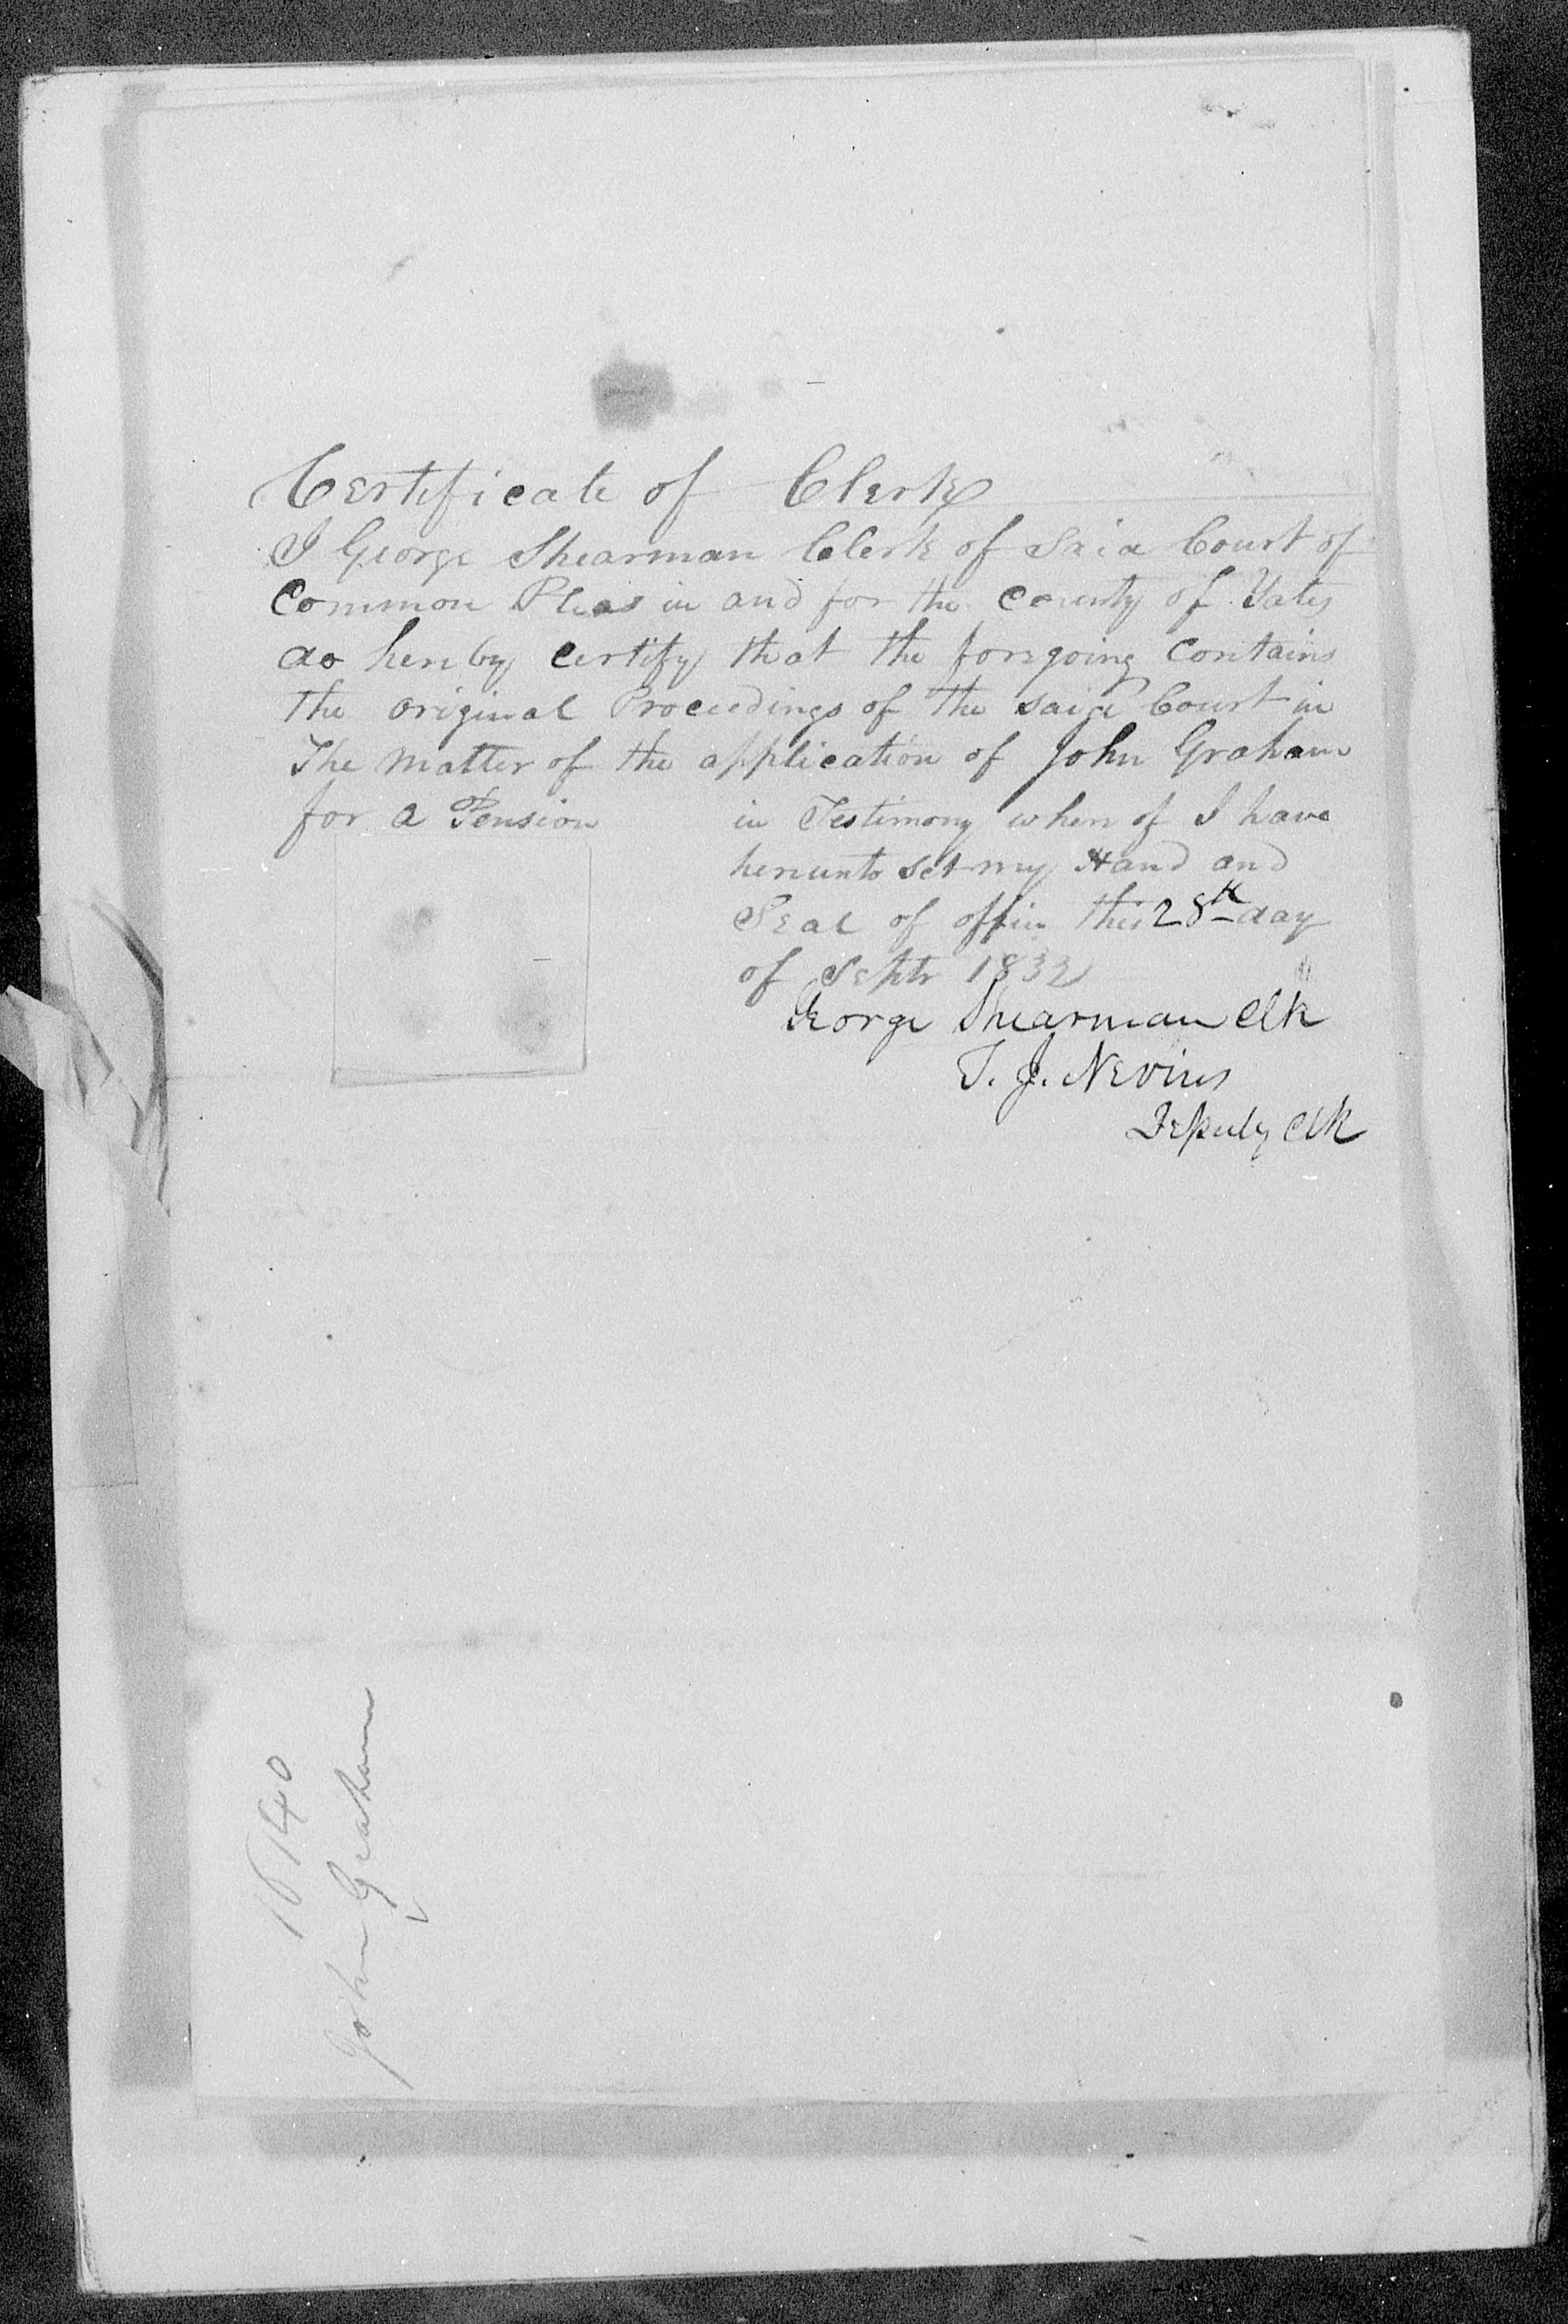Certificate of Clerk
I George Shearman Clerk of Said Court of Common Pleas in and for the County of Yates do hereby certify that the foregoing contains the original proceedings of the said Court in the matter of the application of John Graham for a Pension in Testimony when of I have hereunto set my hand and Seal of office this 28th day of Sept. 1832. 
George Shearman clk
T.J. Nevins Deputy clk

16140
John Graham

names: T J Nevius, John Graham, John Graham, George Shearman, George Shearman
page: 16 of 28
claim: survivor's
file: S. 22799, John Graham, Mass